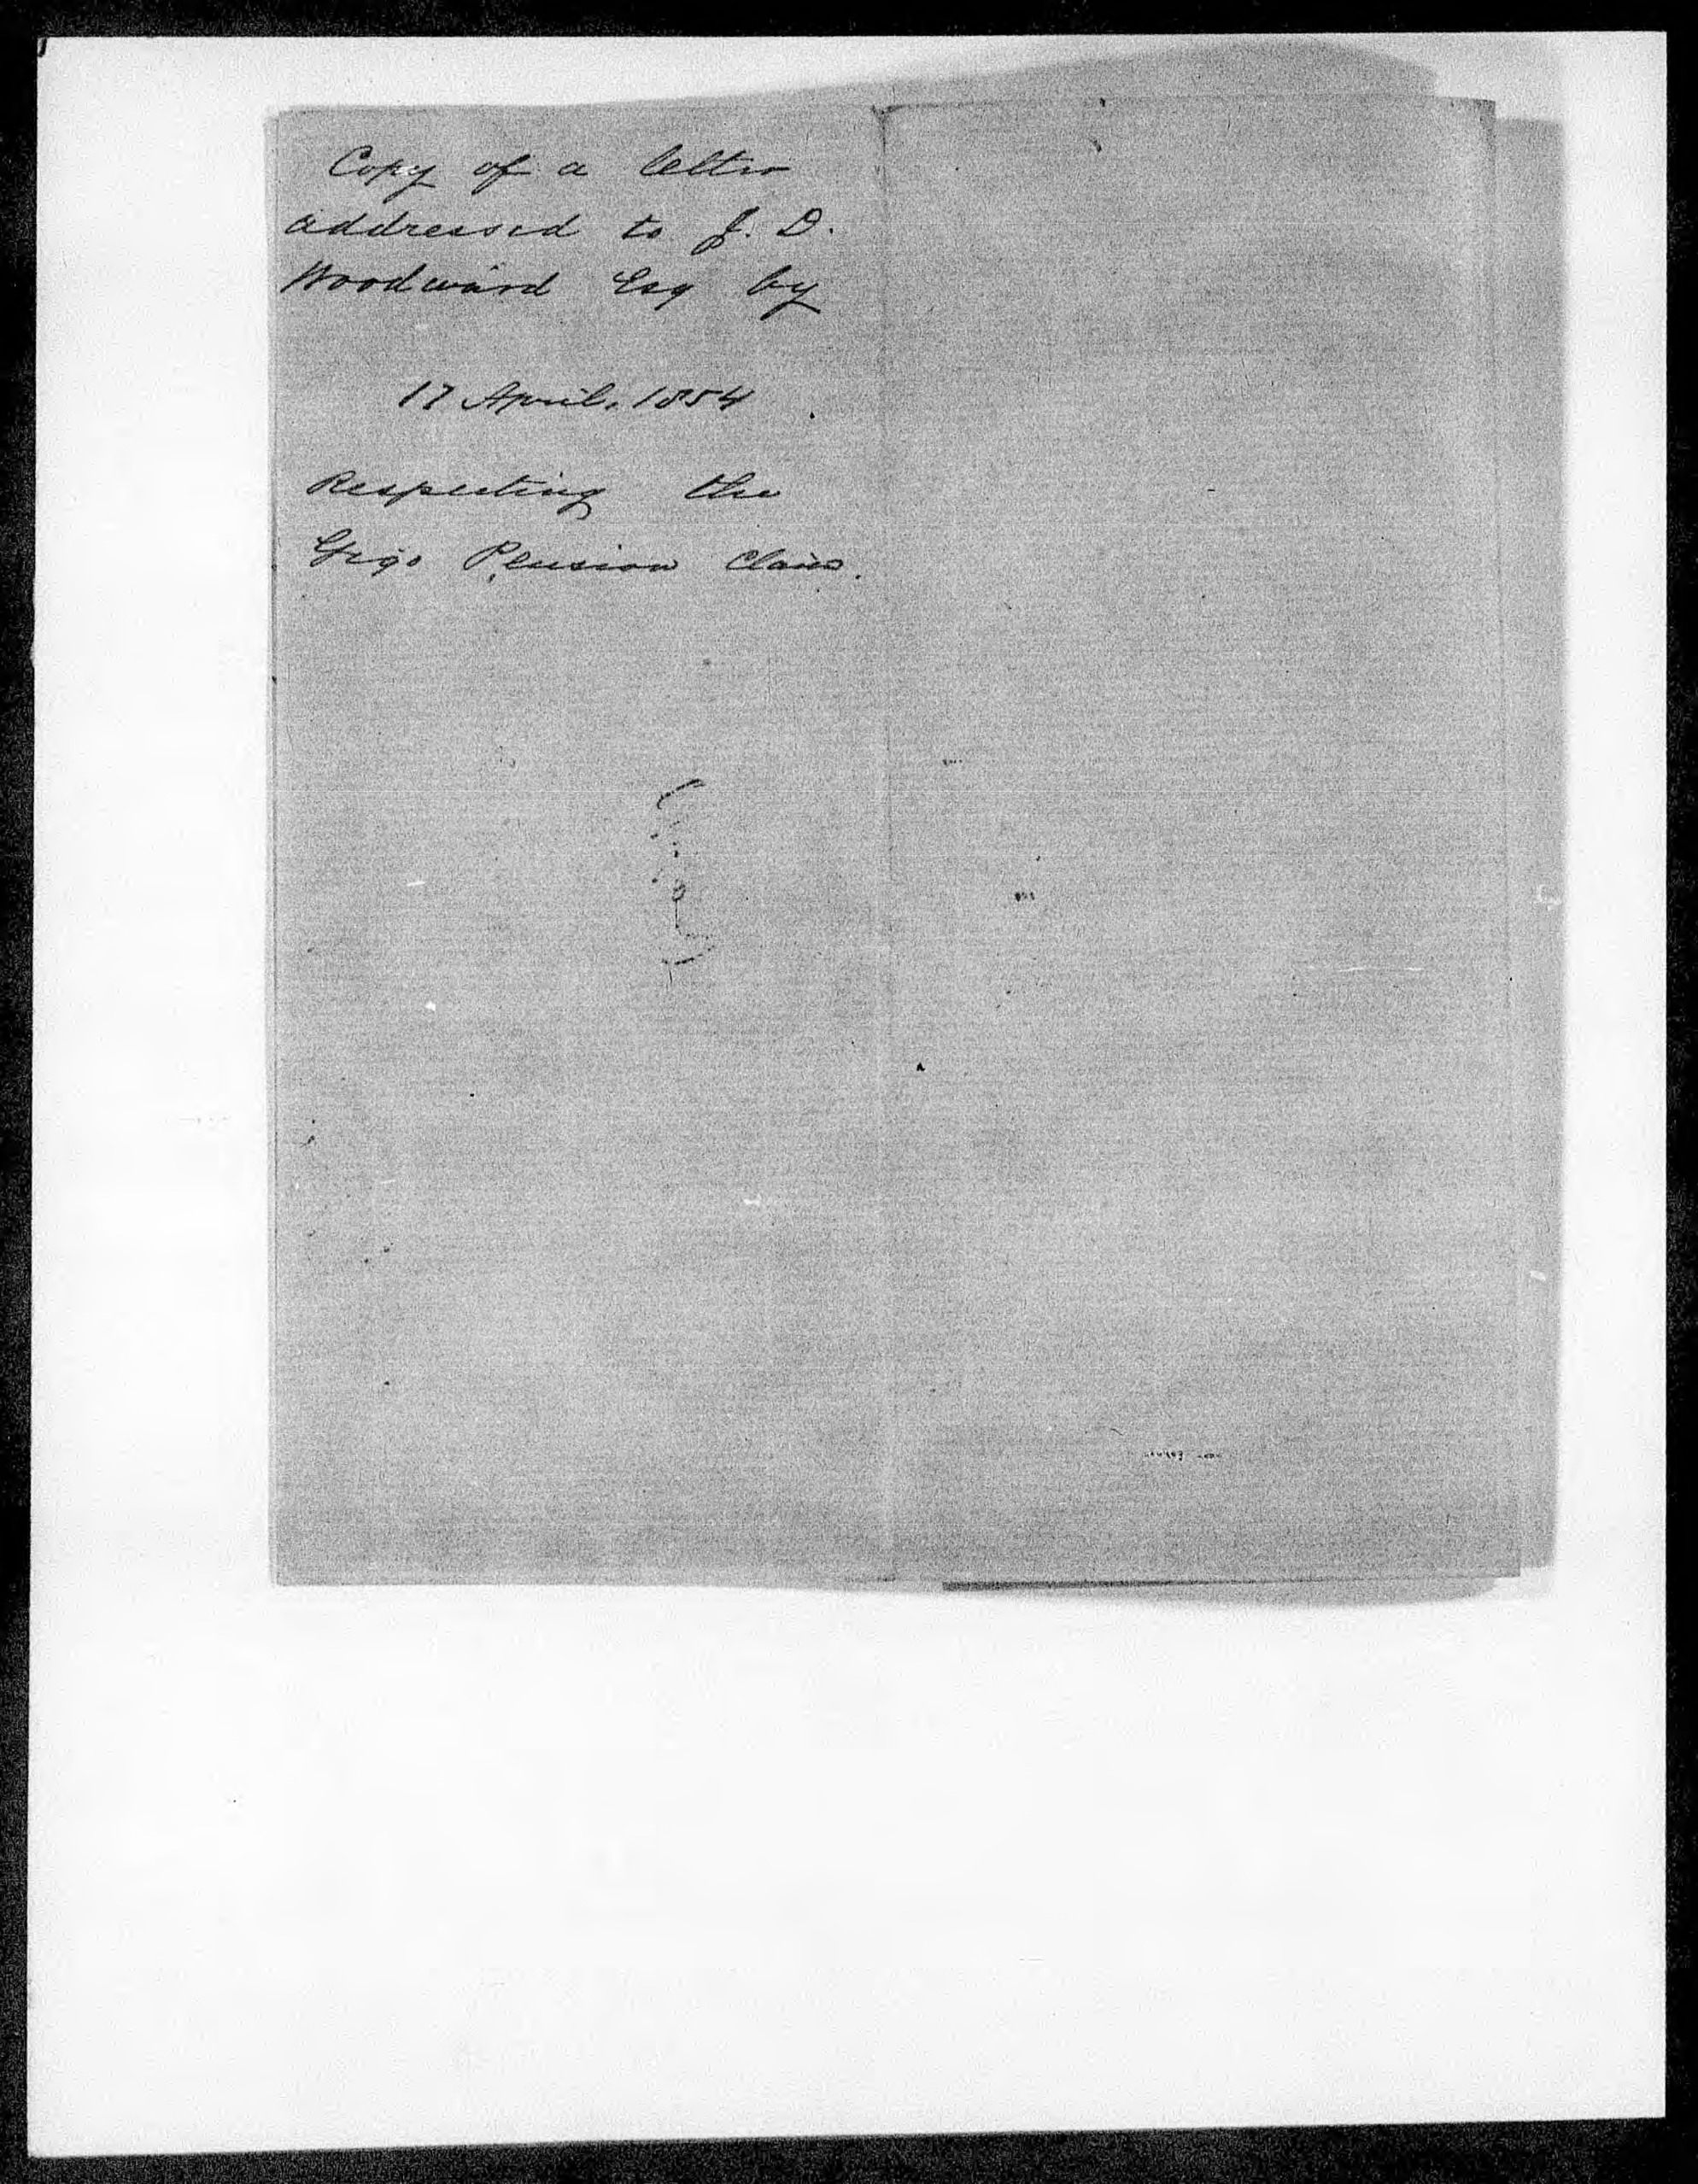Copy of a letter addressed to J. D. Woodward Esq. by
17 April, 1854
Respecting the Gigo Pension Claim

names: J D Woodward, Gigo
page: 62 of 98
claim: widow's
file: W. 21182, Francis Gigo, Continental (Canadian)